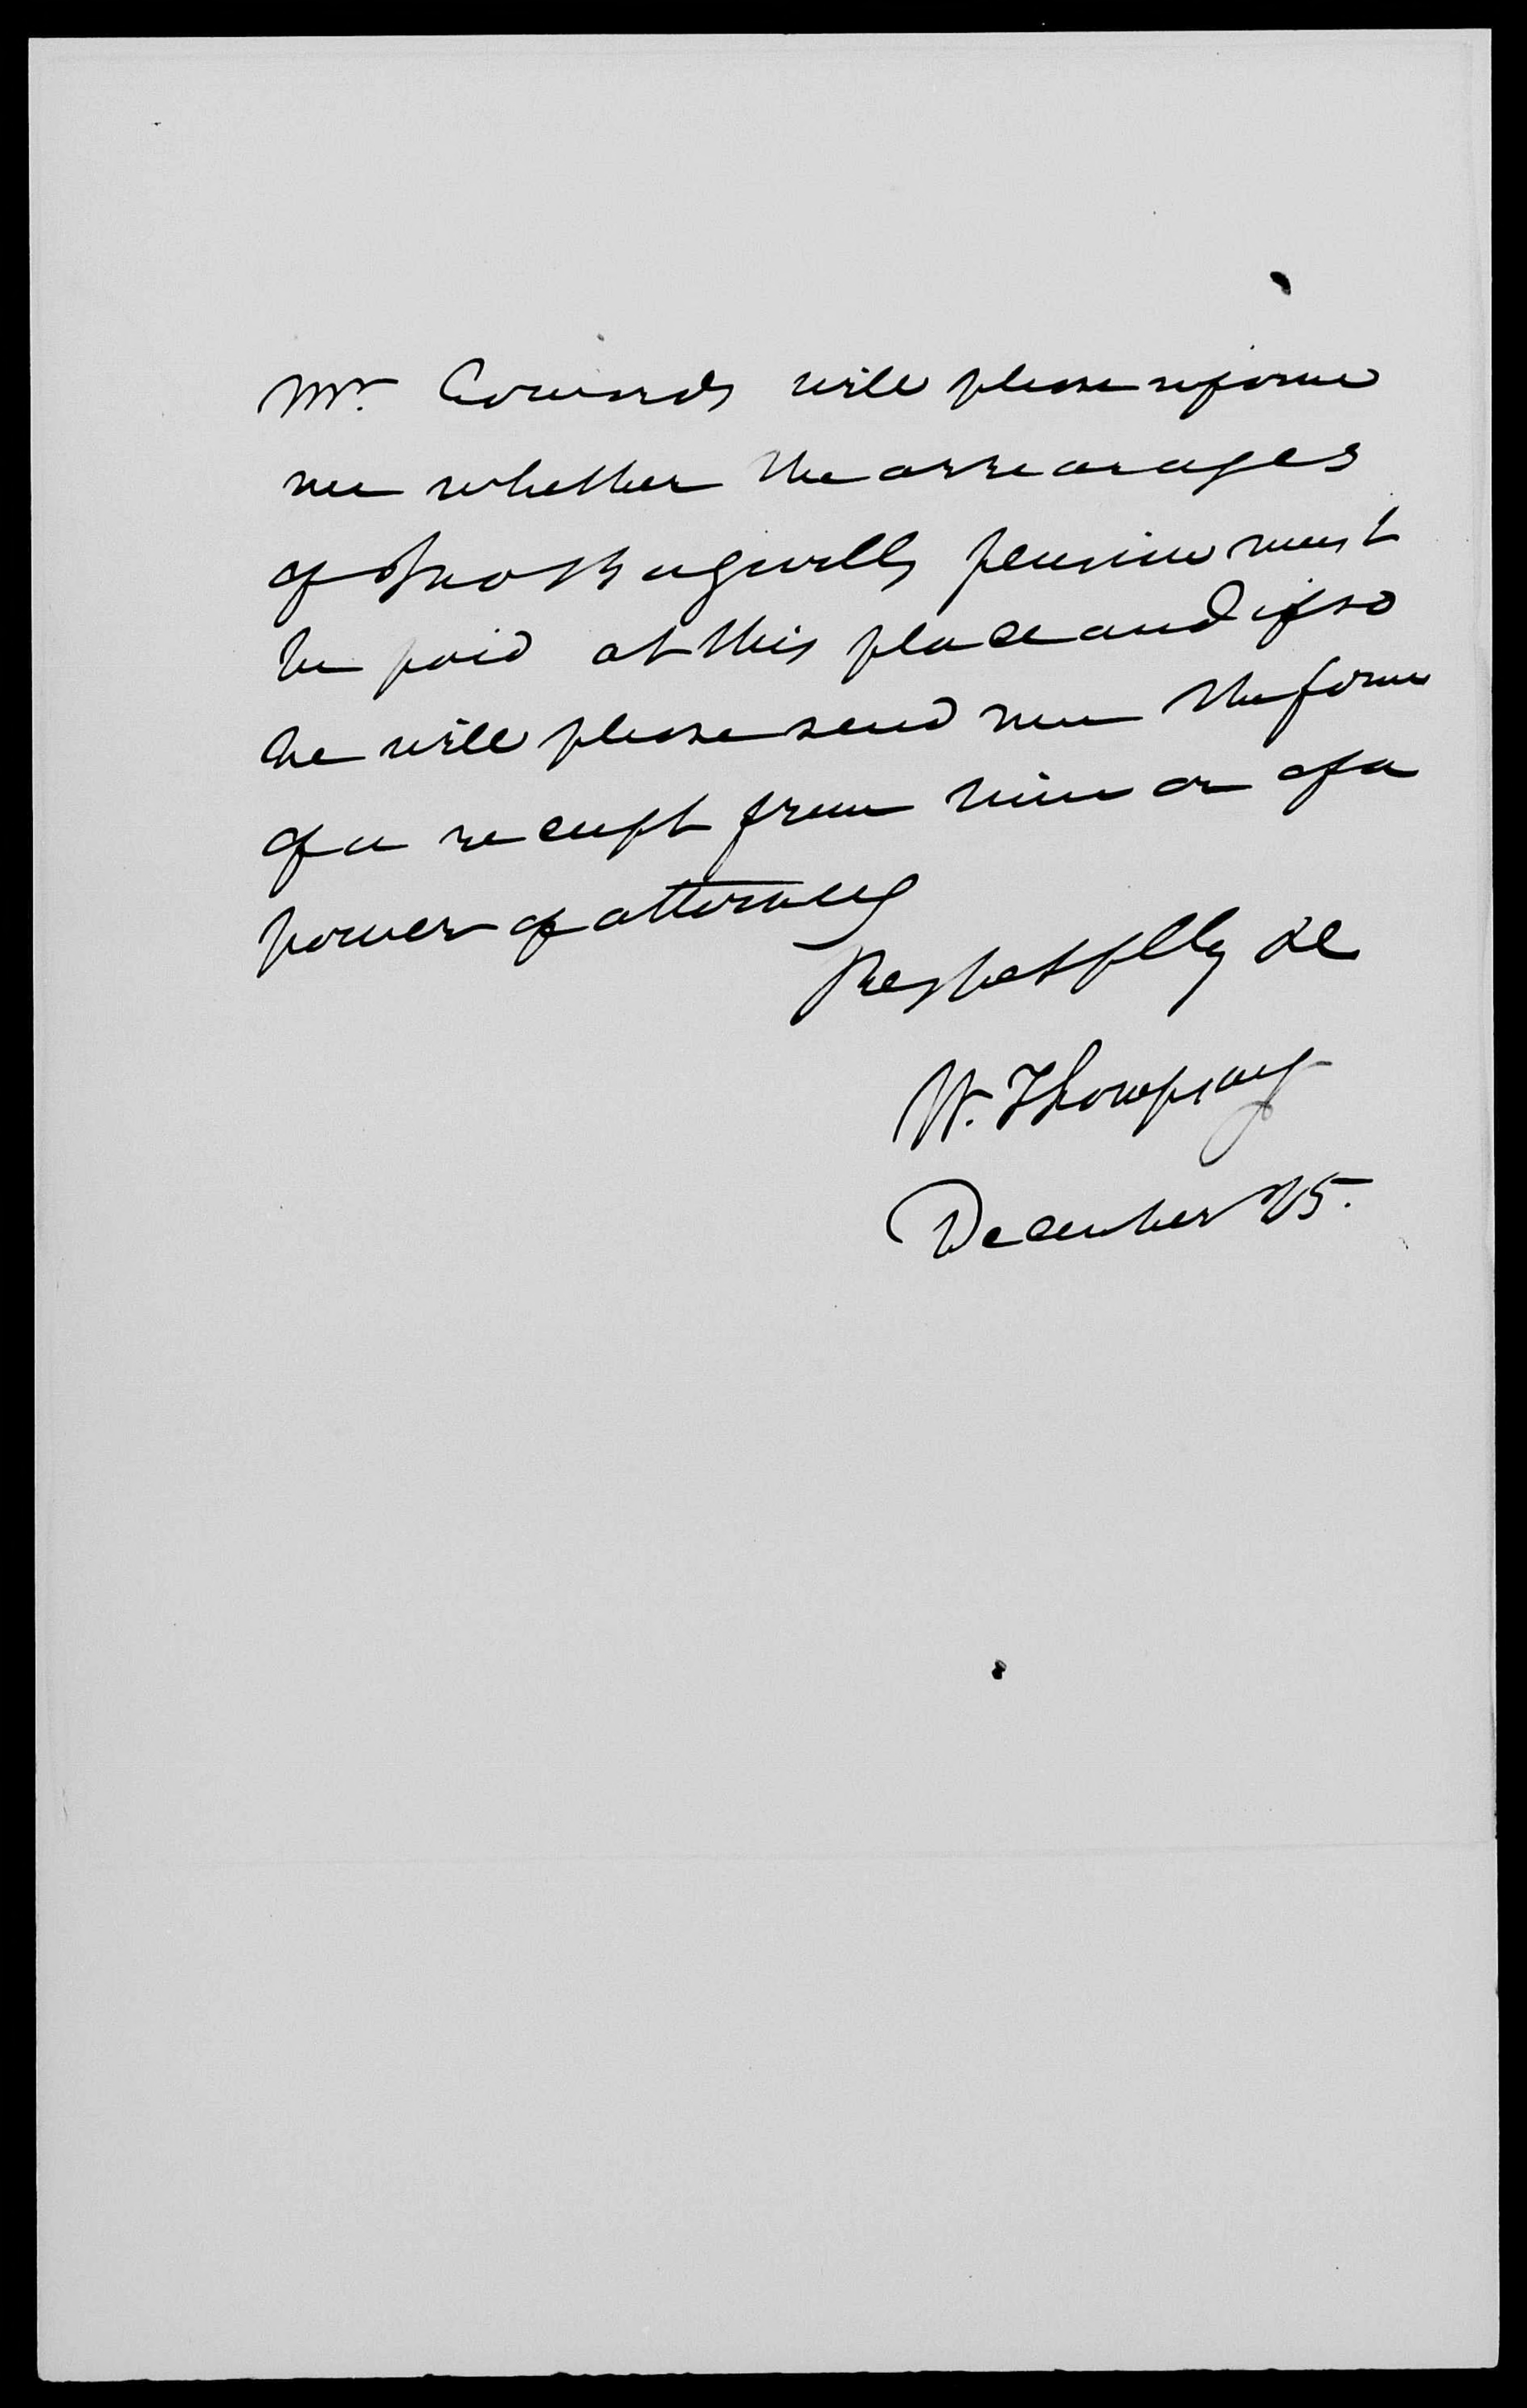Mr
Edwards will please inform
me whether the arrearages
of John Bagwells pension must
be paid at this place and if so
he will please send me
the form
of a receipt from him or of a
power of attorney
Respectfully all

W. [  ]

December 15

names: Edwards, W Thompson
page: 29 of 36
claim: survivor's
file: S 6571, John Bagwell, N.C.